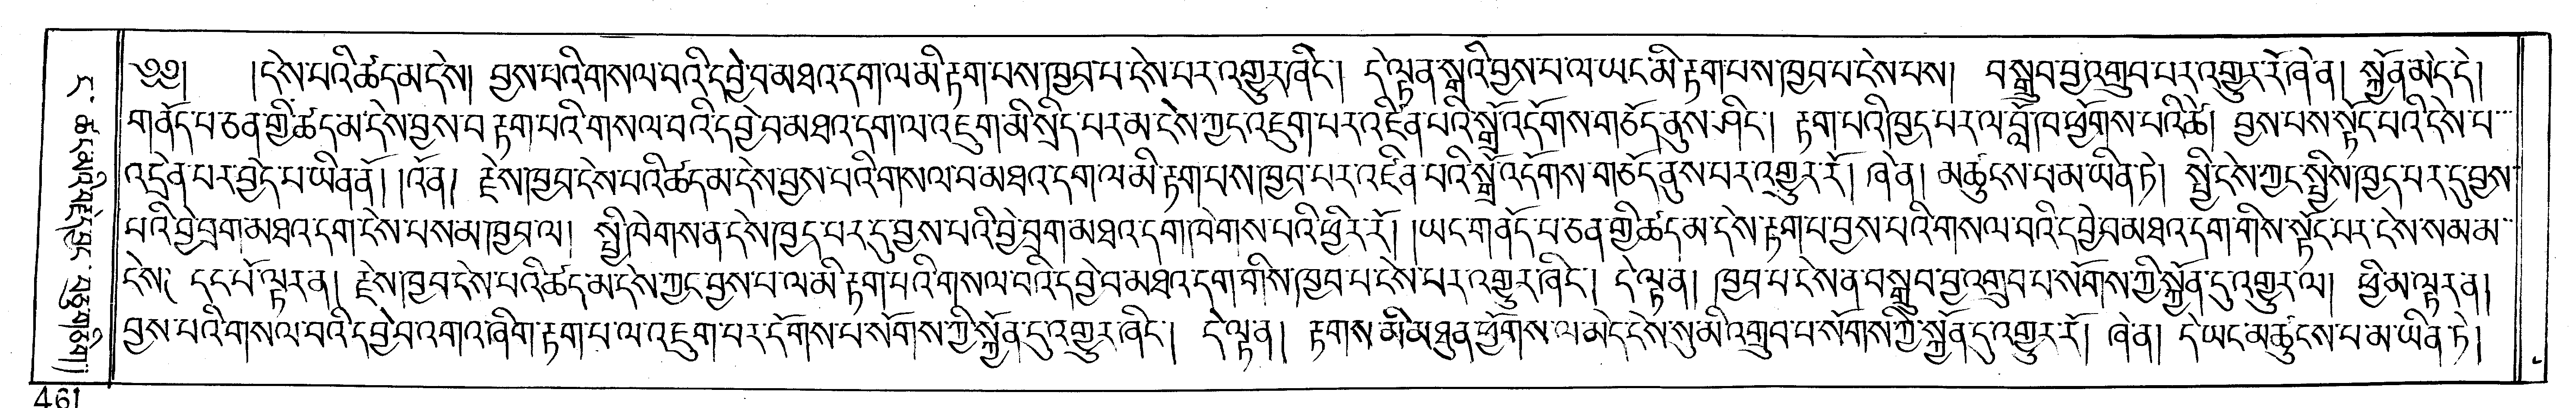༄༅། །ངེས་པའི་ཚད་མ་དེས། བྱས་པའི་གསལ་བའི་དབྱེ་བ་མཐའ་དག་ལ་མི་རྟག་པས་ཁྱབ་པ་ངེས་པར་འགྱུར་ཞིང་། དེ་ལྟ་ན་སྒྲའི་བྱས་པ་ལ་ཡང་མི་རྟག་པས་ཁྱབ་པ་ངེས་པས། བསྒྲུབ་བྱ་འགྲུབ་པར་འགྱུར་རོ་ཞེ་ན། སྐྱོན་མེད་དེ།
གནོད་པ་ཅན་གྱི་ཚད་མ་དེས་བྱས་བ་རྟག་པའི་གསལ་བའི་དབྱེ་བ་མཐའ་དག་ལ་འཇུག་མི་སྲིད་པར་མ་ངེས་ཀྱང་འཇུག་པར་འཛིན་པའི་སྒྲོ་འདོགས་གཅོད་ནུས་ཤིང་། རྟག་པའི་ཁྱད་པར་ལ་བློ་ཁ་ཕྱོགས་པའི་ཚེ། བྱས་པས་སྟོང་བའི་ངེས་པ་
འདྲེན་པར་བྱེད་པ་ཡིན་ནོ། །འོ་ན། རྗེས་ཁྱབ་ངེས་པའི་ཚད་མ་དེས་བྱས་པའི་གསལ་བ་མཐའ་དག་ལ་མི་རྟག་པས་ཁྱབ་པར་འཛིན་པའི་སྒྲོ་འདོགས་གཅོད་ནུས་པར་འགྱུར་རོ། ཞེ་ན། མཚུངས་པ་མ་ཡིན་ཏེ། སྤྱི་ངེས་ཀྱང་སྤྱིས་ཁྱད་པར་དུ་བྱས་
པའི་བྱེ་བྲག་མཐའ་དག་ངེས་པས་མ་ཁྱབ་ལ། སྤྱི་ཁེགས་ན་དེས་ཁྱད་པར་དུ་བྱས་པའི་བྱེ་བྲག་མཐའ་དག་ཁེགས་པའི་ཕྱིར་རོ། །ཡང་གནོད་པ་ཅན་གྱི་ཚད་མ་དེས་རྟག་པ་བྱས་པའི་གསལ་བའི་དབྱེ་བ་མཐའ་དག་གིས་སྟོང་པར་ངེས་སམ་མ་
ངེས༑ དང་པོ་ལྟར་ན། རྗེས་ཁྱབ་ངེས་པའི་ཚད་མ་དེས་ཀྱང་བྱས་པ་ལ་མི་རྟག་པའི་གསལ་བའི་དབྱེ་བ་མཐའ་དག་གིས་ཁྱབ་པ་ངེས་པར་འགྱུར་ཞིང་། དེ་ལྟ་ན། ཁྱབ་པ་ངེས་ན་བསྒྲུབ་བྱ་འགྲུབ་པ་སོགས་ཀྱི་སྐྱོན་དུ་འགྱུར་ལ། ཕྱི་མ་ལྟར་ན།
བྱས་པའི་གསལ་བའི་དབྱེ་བ་འགའ་ཞིག་རྟག་པ་ལ་འཇུག་པར་དོགས་པ་སོགས་ཀྱི་སྐྱོན་དུ་འགྱུར་ཞིང་། དེ་ལྟ་ན། རྟགས་མི་མཐུན་ཕྱོགས་ལ་མེད་ངེས་སུ་མི་འགྲུབ་པ་སོགས་ཀྱི་སྐྱོན་དུ་འགྱུར་རོ། ཞེ་ན། དེ་ཡང་མཚུངས་པ་མ་ཡིན་ཏེ།